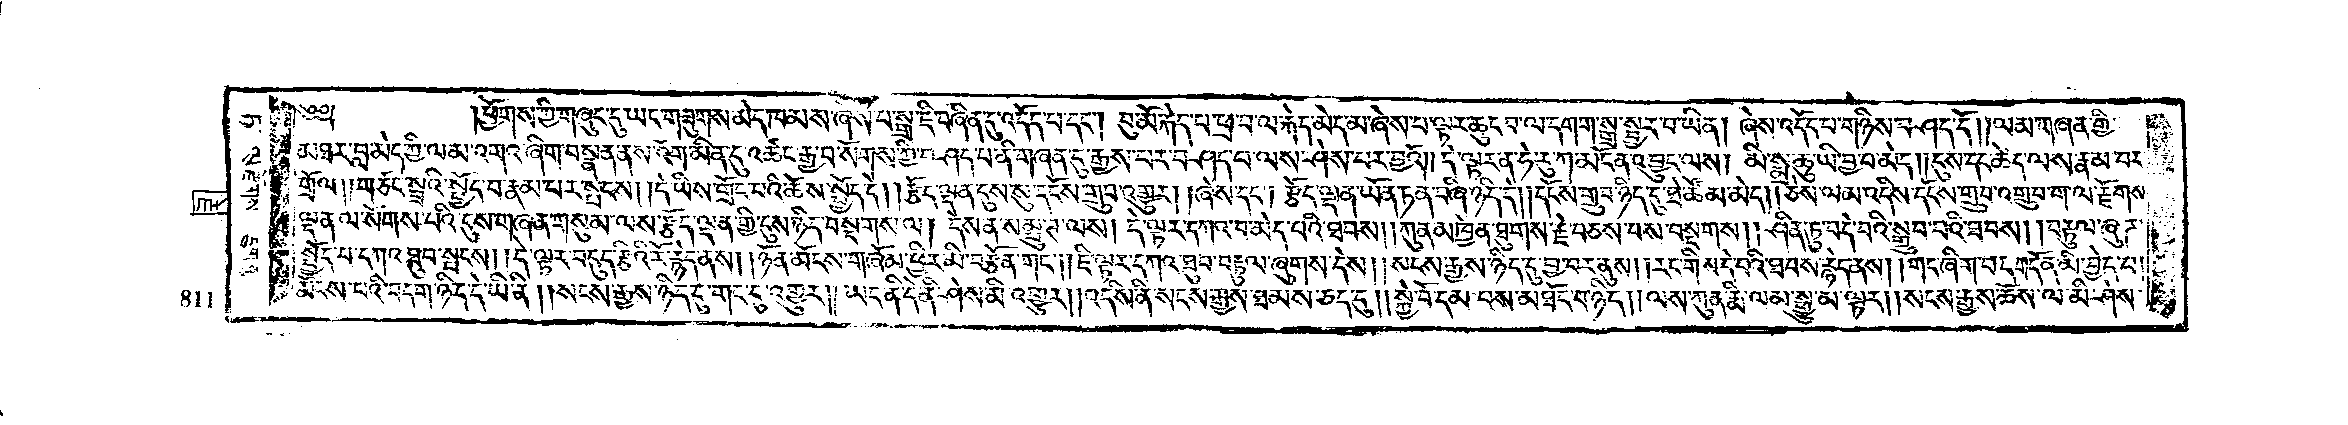༄༅། །ཕྱོགས་ཀྱི་གཞུང་དུ་ཡང་གཟུགས་མེད་ཁམས་ཞེས་པ་སྒྲ་ཇི་བཞིན་དུ་འདོད་པ་དང་། བུ་མོ་རྐེད་པ་ཕྲ་བ་ལ་རྐེད་མེད་མ་ཞེས་པ་ལྟར་ཆུང་བ་ལ་དགག་སྒྲ་སྦྱར་བ་ཡིན། ཞེས་འདོད་པ་གཉིས་བཤད་དོ། །ལམ་གཞན་གྱི་
མཐར་བླ་མེད་ཀྱི་ལམ་འགའ་ཞིག་བསྣན་ནས་འོག་མིན་དུ་འཚང་རྒྱ་བ་སོགས་ཀྱི་བཤད་པ་ནི་གཞན་དུ་རྒྱས་པར་བཤད་པ་ལས་ཤེས་པར་བྱའོ། །དེ་ལྟར་ན་ཧེ་རུ་ཀ་མངོན་འབྱུང་ལས། མི་སྨྲ་ཆུ་ཡི་བྱ་བ་མེད། །དུས་དང་ཚེད་ལས་རྣམ་པར་
གྲོལ། །གཙང་སྦྲའི་སྤྱོད་པ་རྣམ་པར་སྤངས། །དེ་ཡིས་གྲོང་བའི་ཆོས་སྤྱོད་དེ། །རྩོད་ལྡན་དུས་སུ་དངོས་གྲུབ་འགྱུར། །ཞེས་དང་། རྩོད་ལྡན་ཡོན་ཏན་བཞི་ཉིད་དེ། །དངོས་གྲུབ་ཉིད་དུ་ཐེ་ཚོམ་མེད། །ཅེས་ལམ་འདིས་དངོས་གྲུབ་འགྲུབ་ག་ལ་རྫོགས་
ལྡན་ལ་སོགས་པའི་དུས་གཞན་གསུམ་ལས་རྩོད་ལྡན་གྱི་དུས་ཉིད་བསྔགས་ལ། དེས་ན་སམྦུ་ཊ་ལས། དེ་ལྟར་དཀའ་བ་མེད་པའི་ཐབས། །ཀུན་མཁྱེན་ཐུགས་རྗེ་བཅས་པས་བསྔགས། །ཤིན་ཏུ་བདེ་བའི་སྒྲུབ་པའི་ཐབས། །བརྟུལ་ཞུགས་
སྤྱོད་པ་དཀའ་ཐུབ་སྤངས། །དེ་ལྟར་བདུད་རྩིའི་རོ་རྙེད་ནས། །ཉོན་མོངས་གཞོམ་ཕྱིར་མི་བརྩོན་གང་། །ཇི་ལྟར་དཀའ་ཐུབ་བརྟུལ་ཞུགས་དེས། །སངས་རྒྱས་ཉིད་དུ་བྱ་བར་ནུས། །རང་གིས་དེ་བའི་ཐབས་རྙེད་ནས། །གང་ཞིག་བདག་དོན་མི་བྱེད་པ།
མོངས་པའི་བདག་ཉིད་དེ་ཡི་ནི། །སངས་རྒྱས་ཉིད་དུ་གང་དུ་འགྱུར། །ཡང་ནི་དེ་ནི་ཤེས་མི་འགྱུར། །འདིས་ནི་སངས་རྒྱས་ཐམས་ཅད་དུ། །སྐྱེ་བོ་དམ་པས་མཐོང་བ་ཉིད། །ལས་ཀུན་རྨི་ལམ་སྒྱུ་མ་ལྟར། །སངས་རྒྱས་ཆོས་ལ་མི་ཤེས་